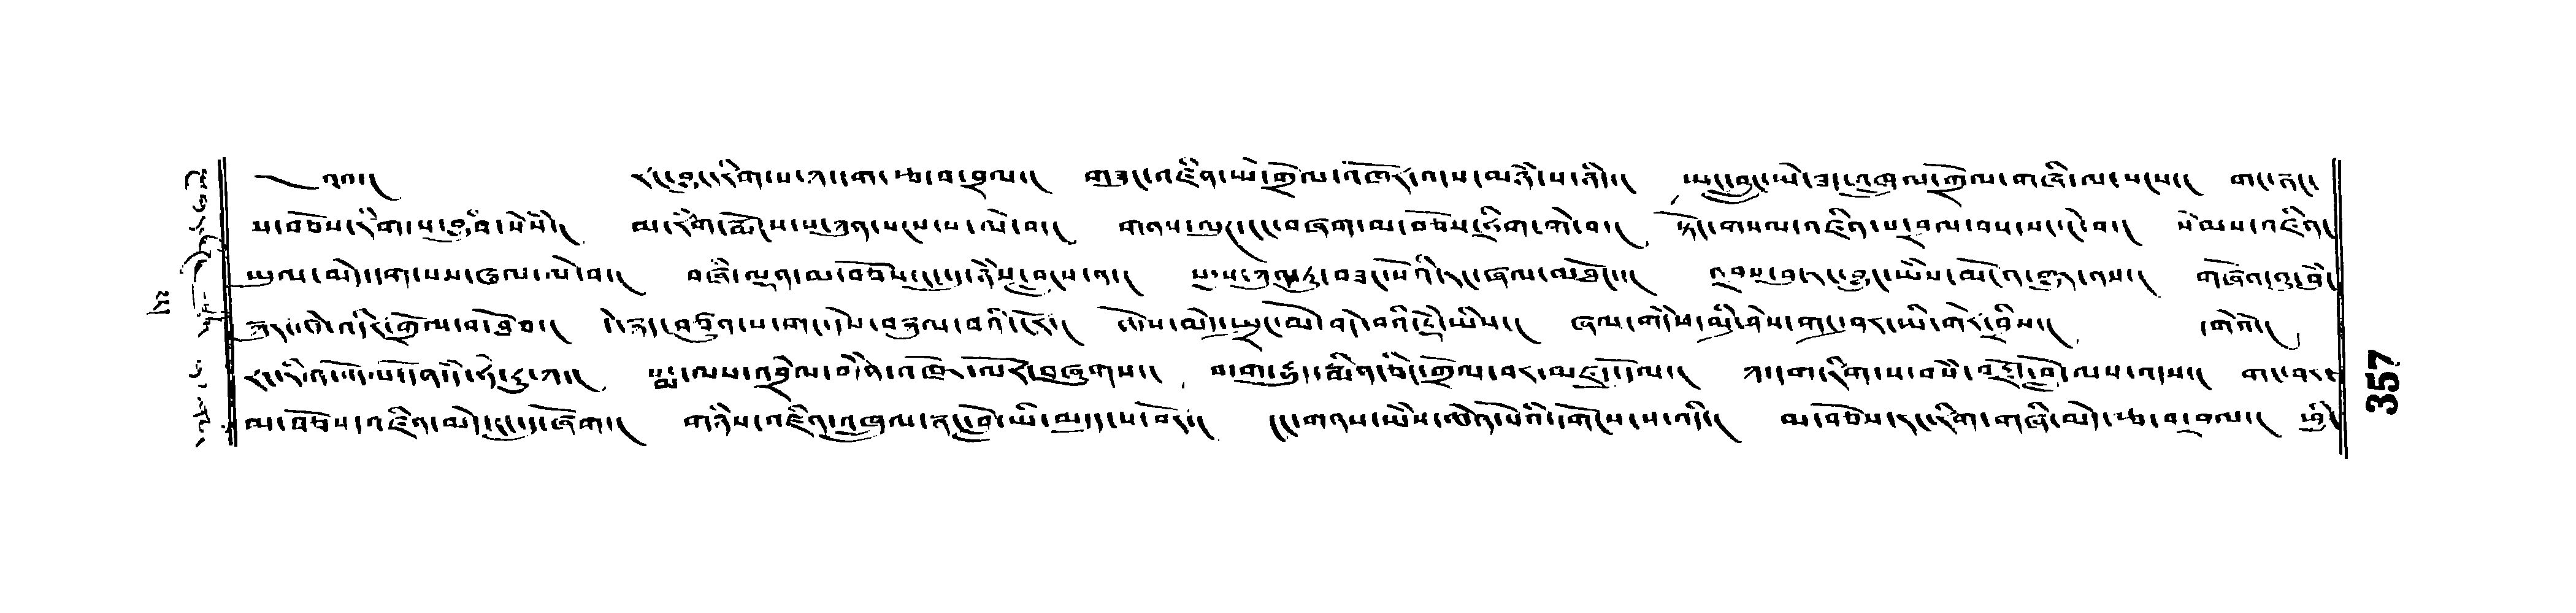།རང་བྱུང་རིག་པ་ཀ་དག་རྩ་བ་བྲལ། །གཟུང་འཛིན་ཡེ་གྲོལ་འཁོར་འདས་མཉམ་པ་ཉིད། །སྤང་བླང་ཡེ་ཟད་འཁྲུལ་གྲོལ་གཞི་ལ་སངས། །གང་སྣང་
མ་བཅོས་རིག་པ་བྱང་ཆུབ་སེམས། །མ་རིག་རྨོངས་པ་ཀུན་སངས་ས་ལེ་བ། གནས་ལུགས་ངང་བཞག་མ་བཅོས་ཧྲིག་གེ་བ། །སྟོང་གསལ་འཛིན་པ་བྲལ་བས་སང་ངེ་བ། །སེམས་འཛིན་
ཡུལ་མེད་དག་པས་ཝལ་ལེ་བ། །བཞི་ལྡན་མ་བཅོས་ངང་དུ་ཉམས་བླངས་ན། །སངས་རྒྱས་ཀུན་ཏུ་བཟང་པོའི་རང་ཞལ་མཐོང་། །འབྲས་བུ་རང་བྱུང་ཡེ་ཤེས་མངོན་གྱུར་ནས། །གཞོན་ནུ་བུམ་
སྐུར་ཚེ་འདིར་གྲོལ་བ་ཐོབ། །དེ་སྐད་བཙུན་པ་གང་དེས་བསྐུལ་བའི་ངོར། །ཆོས་མེད་སྤྲང་མོ་བདེ་བའི་རྡོ་རྗེ་ཡིས། །ཞལ་གདམས་མི་ཤེས་གང་ཤར་ཡི་གེར་བྲིས། དགེའོ།། 
རང་རིག་འོད་གསལ་དོན་དམ་ཧེ་རུ་ཀ །པདྨ་ལས་འབྲེལ་བདེ་ཆེན་འཁོར་ལོར་བཞུགས། །བདག་རྒྱུད་སྨིན་ཅིང་གྲོལ་བར་མཛད་དུ་གསོལ། །ཀ་དག་རིག་པ་བསམ་བརྗོད་བློ་ལས་འདས། །གང་ཤར་
མ་བཅོས་འཛིན་མེད་ངང་དུ་ཞོག །གཉིས་འཛིན་འཁྲུལ་སྣང་བློ་ཡིས་མདུད་པ་བོར། །ངང་གནས་ཡེ་ཤེས་ཆེན་པོའི་དགོངས་པ་འདི། །མ་བཅོས་རང་རིག་གཞི་མེད་རྩ་བ་བྲལ། །ཕྱི་